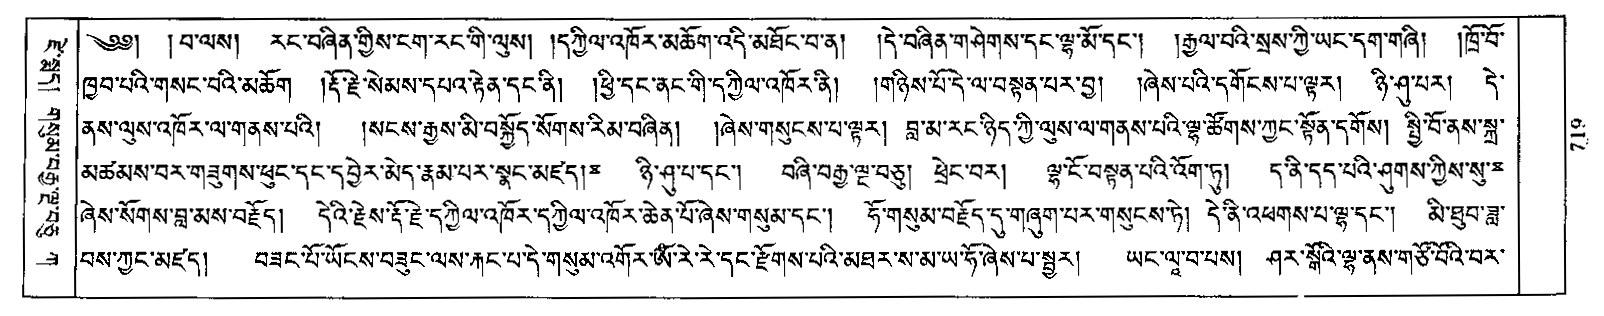༄༅། །བ་ལས། རང་བཞིན་གྱིས་ངག་རང་གི་ལུས། །དཀྱིལ་འཁོར་མཆོག་འདི་མཐོང་བ་ན། །དེ་བཞིན་གཤེགས་དང་ལྷ་མོ་དང་། །རྒྱལ་བའི་སྲས་ཀྱི་ཡང་དག་གཞི། །ཁྲོ་བོ་
ཁྱབ་པའི་གསང་བའི་མཆོག །རྡོ་རྗེ་སེམས་དཔའ་རྟེན་དང་ནི། །ཕྱི་དང་ནང་གི་དཀྱིལ་འཁོར་ནི། །གཉིས་པོ་དེ་ལ་བསྟན་པར་བྱ། །ཞེས་པའི་དགོངས་པ་ལྟར། ཉི་ཤུ་པར། དེ་
ནས་ལུས་འཁོར་ལ་གནས་པའི། །སངས་རྒྱས་མི་བསྐྱོད་སོགས་རིམ་བཞིན། །ཞེས་གསུངས་པ་ལྟར། བླ་མ་རང་ཉིད་ཀྱི་ལུས་ལ་གནས་པའི་ལྷ་ཚོགས་ཀྱང་སྟོན་དགོས། སྤྱི་བོ་ནས་སྐྲ་
མཚམས་བར་གཟུགས་ཕུང་དང་དབྱེར་མེད་རྣམ་པར་སྣང་མཛད། ྾་ཉི་ཤུ་པ་དང་། བཞི་བརྒྱ་ལྔ་བཅུ། ཕྲེང་བར། ལྷ་ངོ་བསྟན་པའི་འོག་ཏུ། ད་ནི་དད་པའི་ཤུགས་ཀྱིས་སུ་྾་
ཞེས་སོགས་བླ་མས་བརྗོད། དེའི་རྗེས་རྡོ་རྗེ་དཀྱིལ་འཁོར་དཀྱིལ་འཁོར་ཆེན་པོ་ཞེས་གསུམ་དང་། ཧོ་གསུམ་བརྗོད་དུ་གཞུག་པར་གསུངས་ཏེ། དེ་ནི་འཕགས་པ་ལྷ་དང་། མི་ཐུབ་ཟླ་
བས་ཀྱང་མཛད། བཟང་པོ་ཡོངས་བཟུང་ལས་རྐང་པ་དེ་གསུམ་འགྲོ་ཨོཾ་རེ་རེ་དང་རྫོགས་པའི་མཐར་ས་མ་ཡ་ཧོ་ཞེས་པ་སྦྱར། ཡང་ལཱ་བ་པས། ཤར་སྒོའི་ལྷ་ནས་གཙོ་བོའི་བར་